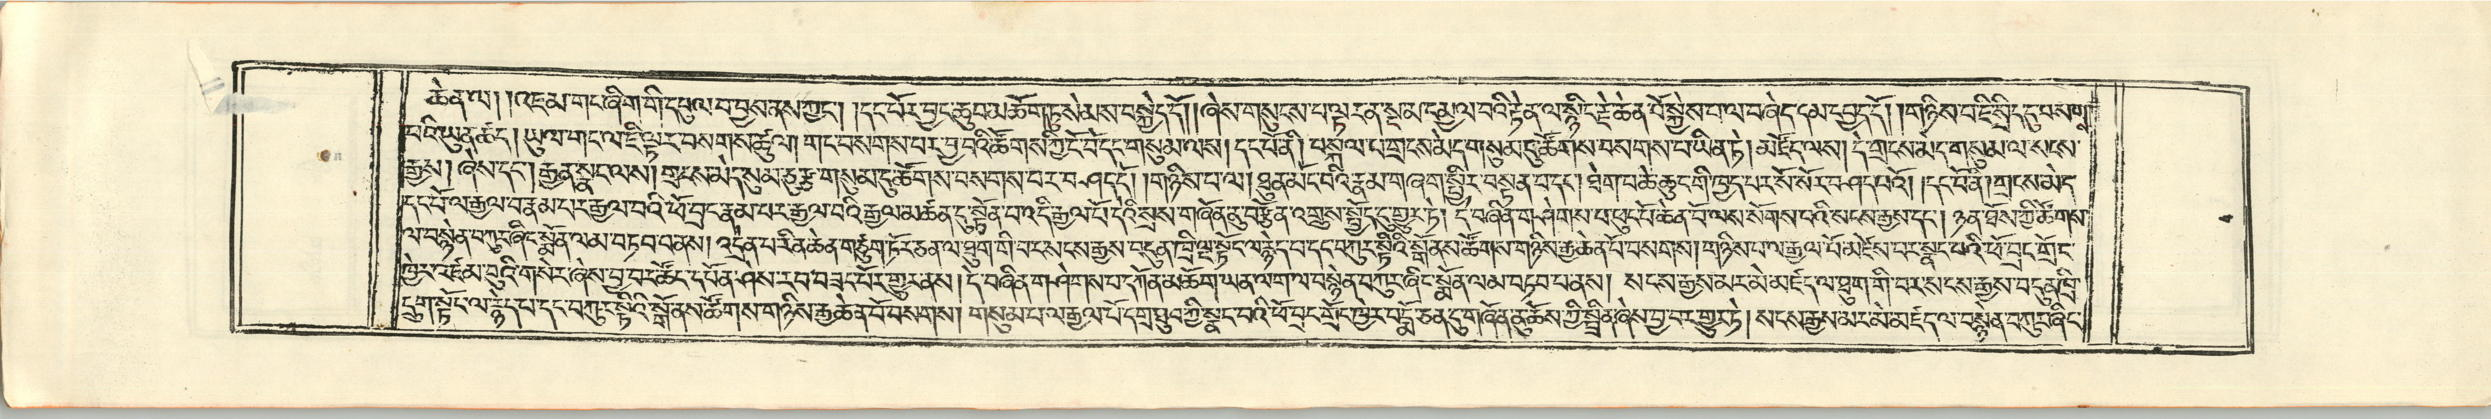ཆེན་ལ། །འཇམ་གང་ཞིག་གི་དབུལ་བ་བྱས་ནས་ཀྱང་། །དང་པོར་བྱང་ཆུབ་མཆོག་ཏུ་སེམས་བསྐྱེད་དོ། །ཞེས་གསུངས་པ་ལྟར་ན་སྔ་མ་དམྱལ་བའི་རྟེན་ལ་སྙིང་རྗེ་ཆེན་པོ་སྐྱེས་པ་ལ་བཞེད་དམ་དཔྱད་དོ། །གཉིས་པ་ཇི་སྲིད་དུ་བསགས།
པའི་ཡུན་ཚད། ཡུལ་གང་ལ་ཇི་ལྟར་བསགས་ཚུལ། གང་བསགས་པར་བྱ་བའི་ཚོགས་ཀྱི་ངོ་བོ་དང་གསུམ་ལས། དང་པོ་ནི། བསྐལ་པ་གྲངས་མེད་གསུམ་དུ་ཚོགས་བསགས་པ་ཡིན་ཏེ། མཛོད་ལས། དེ་གྲངས་མེད་གསུམ་ལ་སངས་
རྒྱས། ཞེས་དང་། རྒྱན་སྣང་ལས། གྲངས་མེད་སུམ་ཅུ་རྩ་གསུམ་དུ་ཚོགས་བསགས་པར་བཤད་དོ། །གཉིས་པ་ལ། ཐུན་མོང་བའི་རྣམ་གཞག་སྤྱིར་བསྟན་པ་དང་། ཐེག་པ་ཆེ་ཆུང་གི་ཁྱད་པར་སོ་སོར་བཤད་པའོ། །དང་པོ་ནི། གྲངས་མེད་
དང་པོ་ལ་རྒྱལ་བ་རྣམ་པར་རྒྱལ་བའི་ཕོ་བྲང་རྣམ་པར་རྒྱལ་བའི་རྒྱལ་མཚན་དུ་སྟོན་པ་འདི་རྒྱལ་པོ་དེའི་སྲས་གཞོན་ནུ་བརྩོན་འགྲུས་སྤྱོད་དུ་གྱུར་ཏེ། དེ་བཞིན་གཤེགས་པ་ཕུང་པོ་ཆེན་པོ་ལས་སོགས་པའི་སངས་རྒྱས་དང་། ཉན་ཐོས་ཀྱི་ཚོགས་ལ་བསྙེན་
བཀུར་ཞིང་སྨོན་ལམ་བཏབ་བ་ནས། འདྲེན་པ་རིན་ཆེན་གཙུག་ཏོར་ཅན་ལ་ཐུག་གི་བར་སངས་རྒྱས་བདུན་ཁྲི་ལྔ་སྟོང་ལ་རྙེད་པ་དང་བཀུར་སྟིའི་སྒོ་ནས་ཚོགས་གཉིས་རྒྱ་ཆེན་པོ་བསགས། གཉིས་པ་ལ་རྒྱལ་པོ་མཛེས་པར་སྣང་བའི་ཕོ་བྲང་གྲོང་
ཁྱེར་འཛམ་བུའི་གསེར་ཞེས་བྱ་བར་ཚོང་དཔོན་ཤེས་རབ་བཟང་པོར་གྱུར་ནས། དེ་བཞིན་གཤེགས་པ་དཀོན་མཆོག་ཡན་ལག་ལ་བསྙེན་བཀུར་ཞིང་སྨོན་ལམ་བཏབ་པ་ནས། སངས་རྒྱས་མར་མེ་མཛད་ལ་ཐུག་གི་བར་སངས་རྒྱས་བདུན་ཁྲི་
དྲུག་སྟོང་ལ་རྙེད་པ་དང་བཀུར་སྟིའི་སྒོ་ནས་ཚོགས་གཉིས་རྒྱ་ཆེན་པོ་བསགས། གསུམ་པ་ལ་རྒྱལ་པོ་དགྲ་ཐུབ་ཀྱི་སྣང་བའི་ཕོ་བྲང་གྲོང་ཁྱེར་པདམོ་ཅན་དུ་གཞོན་ནུ་ཆོས་ཀྱི་སྤྲིན་ཞེས་བྱ་བར་གྱུར་ཏེ། སངས་རྒྱས་མར་མེ་མཛད་ལ་བསྙེན་བཀུར་ཞིང་